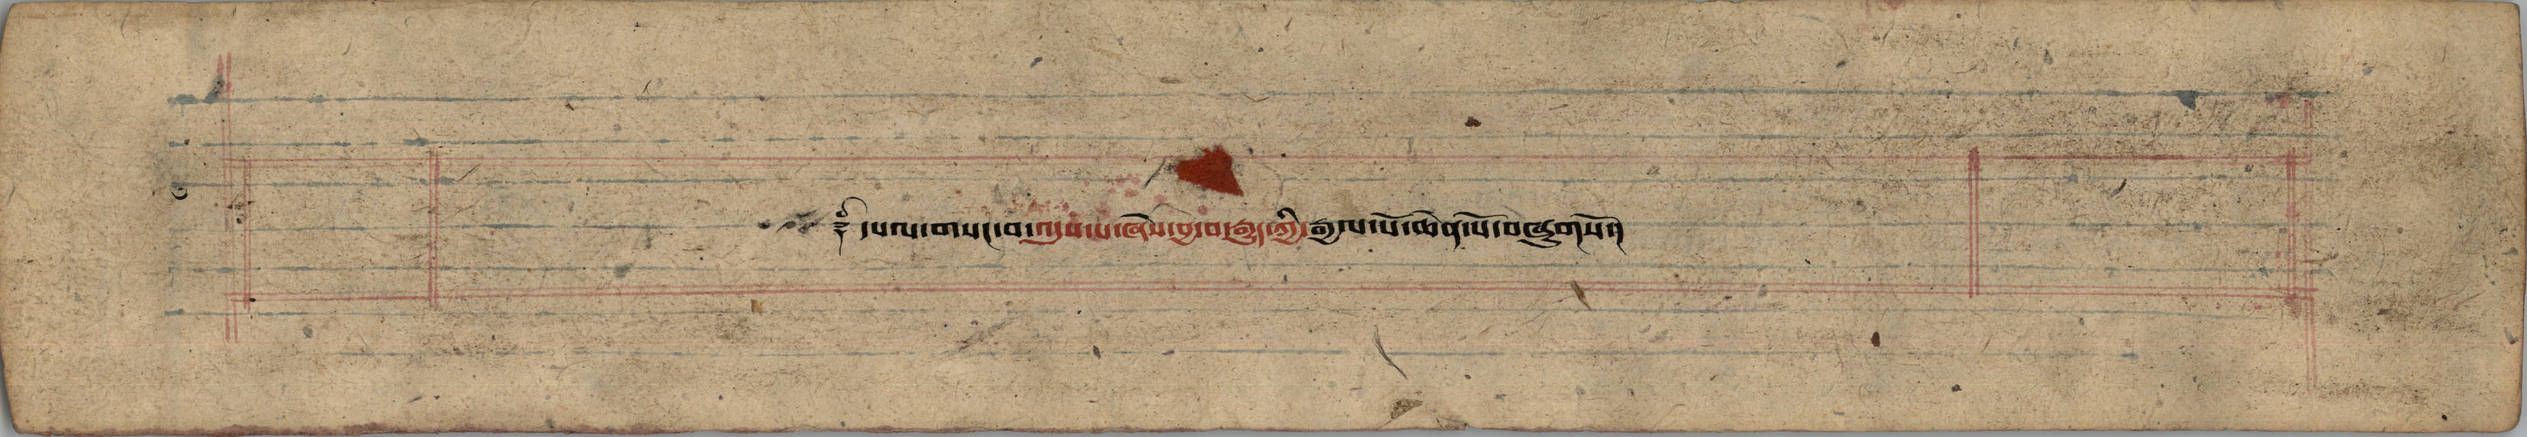༈ དཔལ་གསང་བ་འདུས་པ་ཞེས་བྱ་བ་རྒྱུད་ཀྱི་རྒྱལ་པོ་ཆེན་པོ་བཞུགསོ་།